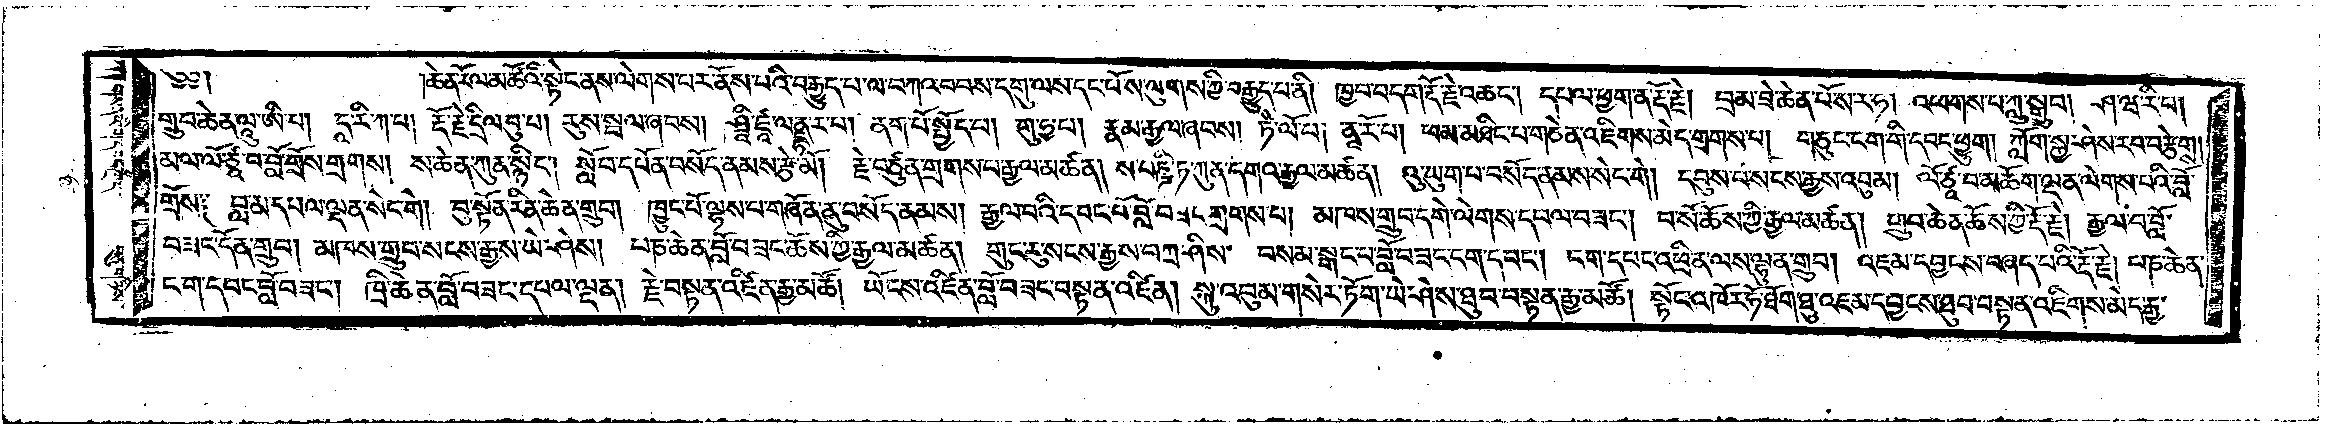༄༅། །ཆེན་རོལ་མཚོའི་སྟེང་ནས་ལེགས་པར་ནོས་པའི་བརྒྱུད་པ་ལ་བཀའ་བབས་དགུ་ལས་དང་པོ་ས་ལུགས་ཀྱི་བརྒྱུད་པ་ནི། ཁྱབ་བདག་རྡོ་རྗེ་འཆང་། དཔལ་ཕྱག་ན་རྡོ་རྗེ། བྲམ་ཟེ་ཆེན་པོས་ར་ཧ། འཕགས་པ་ཀླུ་སྒྲུབ། ཤ་ཝ་རི་པ།
གྲུབ་ཆེན་ལཱུ་ཨི་པ། དཱ་རི་ཀ་པ། རྡོ་རྗེ་དྲིལ་བུ་པ། རུས་སྦལ་ཞབས། ཤྲཱི་ཛཱ་ལནྡྷ་ར་པ། ནག་པོ་སྤྱོད་པ། གུ་ཧྱ་པ། རྣམ་རྒྱལ་ཞབས། ཏཻ་ལོ་པ། ཧཱ་རོ་པ། ཕམ་མཐིང་པ་གཅེན་འཇིགས་མེད་གྲགས་པ། གཅུང་ངག་གི་དབང་ཕྱུག། ཀློག་སྐྱ་ཤེས་རབ་བརྩེགས།
མལ་ལོ་ཙཱ་བ་བློ་གྲོས་གྲགས། ས་ཆེན་ཀུན་སྙིང་། སློབ་དཔོན་བསོད་ནམས་རྩེ་མོ། རྗེ་བཙུན་གྲགས་པ་རྒྱལ་མཚན། ས་པཎྜི་ཏ་ཀུན་དགའ་རྒྱལ་མཚན། འུ་ཡུག་པ་བསོད་ནམས་སེང་གེ། དབུས་བ་སངས་རྒྱས་འབུམ། ལོ་ཙཱ་བ་མཆོག་ལྡན་ལེགས་པའི་བློ་
གྲོས༑ བླ་མ་དཔལ་ལྡན་སེང་གེ། བུ་སྟོན་རིན་ཆེན་གྲུབ། ཁྱུང་པོ་ལྷས་པ་གཞོན་ནུ་བསོད་ནམས། རྒྱལ་བའི་དབང་པོ་བློ་བཟང་གྲགས་པ། མཁས་གྲུབ་དགེ་ལེགས་དཔལ་བཟང་། བ་སོ་ཆོས་ཀྱི་རྒྱལ་མཚན། གྲུབ་ཆེན་ཆོས་ཀྱི་རྡོ་རྗེ། རྒྱལ་བ་བློ་
བཟང་དོན་གྲུབ། མཁས་གྲུབ་སངས་རྒྱས་ཡེ་ཤེས། པཎ་ཆེན་བློ་བཟང་ཆོས་ཀྱི་རྒྱལ་མཚན། གུང་རུ་སངས་རྒྱས་བཀྲ་ཤིས། བསམ་སྒང་པ་བློ་བཟང་ངག་དབང་། ངག་དབང་འཕྲིན་ལས་ལྷུན་གྲུབ། འཇམ་དབྱངས་བཞད་པའི་རྡོ་རྗེ། པཎ་ཆེན་
ངག་དབང་བློ་བཟང་། ཁྲི་ཆེན་བློ་བཟང་དཔལ་ལྡན། རྗེ་བསྟན་འཛིན་རྒྱ་མཚོ། ཡོངས་འཛིན་བློ་བཟང་བསྟན་འཛིན། སྐུ་འབུམ་གསེར་ཏོག་ཡེ་ཤེས་ཐུབ་བསྟན་རྒྱ་མཚོ། སྟོང་འཁོར་ཏོ་ཐོག་ཐུ་འཇམ་དབྱངས་ཐུབ་བསྟན་འཇིགས་མེད་རྒྱ་